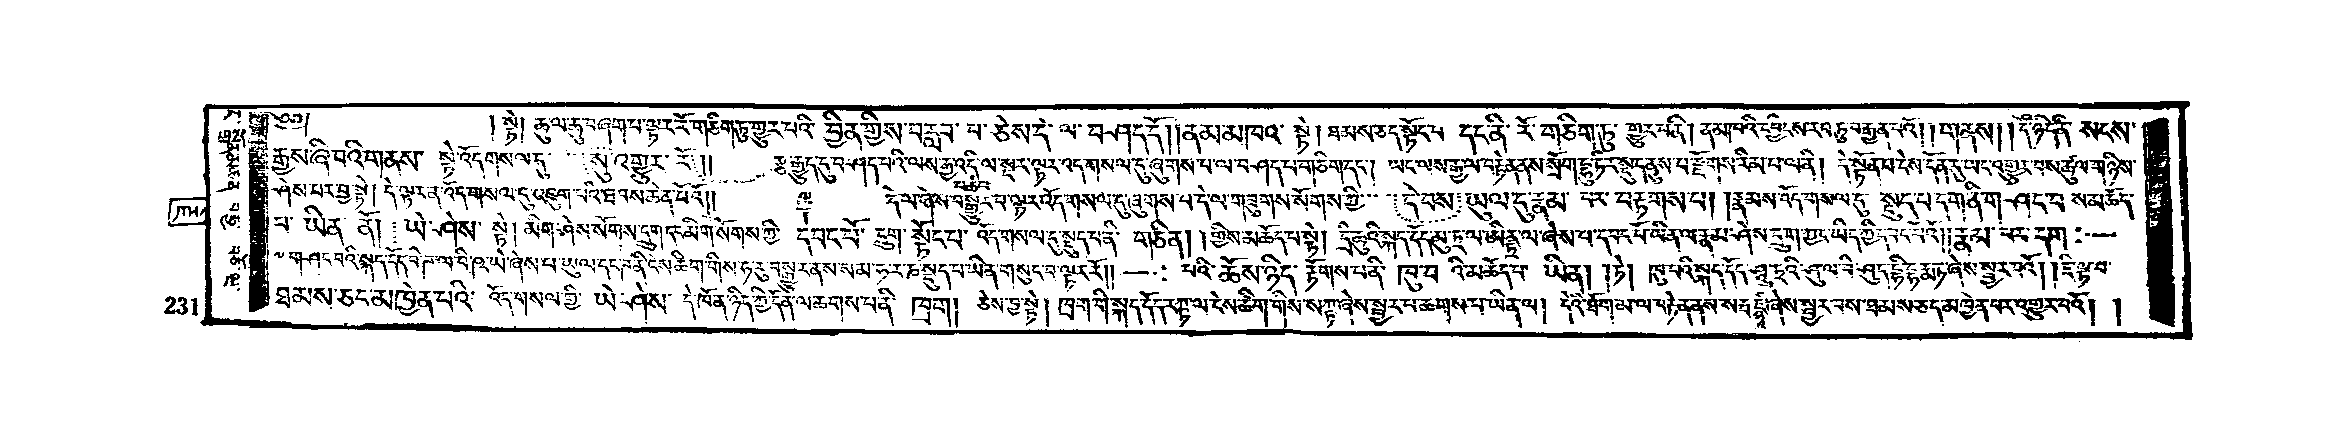༄༅། ། སྟེ། ཆུ་ལ་ཆུ་བཞག་པ་ལྟར་རོ་གཅིག་ཏུ་གྱུར་པའི་བྱིན་གྱིས་བརླབ་པ་ཅེས་དེ་ལ་བཤད་དོ། །ནམ་མཁའ་སྟེ། ཐམས་ཅད་སྟོང་པ་དང་ནི་རོ་གཅིག་ཏུ་གྱུར་པ་ནི། ནམ་མཁའི་དབྱིངས་རབ་ཏུ་བརྒྱན་པའོ། །གནས། ། དེ་ཉིད་ནི་སངས་
རྒྱས་ཞི་བའི་གནས་སྟེ་འོད་གསལ་དུ་སུ་འགྱུར་རོ།། རྩ་རྒྱུད་དུ་བཤད་པའི་ལས་རྒྱ་འདི་ལ་སྔར་ལྟར་འོད་གསལ་དུ་ཞུགས་པ་ལ་བཤད་པ་གཅིག་དང་། ཡང་ལས་རྒྱ་ལ་བརྟེན་ནས་སྲོག་དྷུ་ཏིར་སྡུད་ནུས་པ་རྫོགས་རིམ་པ་ལ་ནི། དེ་སྟོན་པ་ངེས་དོན་དུ་ཡང་འགྱུར་བས་ཚུལ་གཉིས་
ཤེས་པར་བྱ་སྟེ། དེ་ལྟར་ན་འོད་གསལ་དུ་འཇུག་པའི་ཐབས་ཆེན་པོའོ།། ༈ དེ་ལ་ཞེས་པ་ཚབ་བསྒྱུར་བ་ལྟར་འོད་གསལ་དུ་ཞུགས་པ་དེ་ལ་གཟུགས་སོགས་ཀྱི་དེ་བས་ཡུལ་དུ་རྣམ་པར་བརྟགས་པ། ། རྣམས་འོད་གསལ་དུ་སྡུད་པ་དག་ནི་གཤང་བས་མཆོད་
པ་ཡིན་ནོ། །ཡེ་ཤེས་སྟེ། མིག་ཤེས་སོགས་དྲུག་དང་མིག་སོགས་ཀྱི་དབང་པོ་དྲུག་སྟོང་པ་འོད་གསལ་དུ་སྡུད་པ་ནི་གཅིན། ། གྱིས་མཆོད་པ་སྟེ། དྲི་ཆུའི་སྐད་དོད་མུ་ཏྲ་ལ་ཨིནྟྲ་ལ་ཞེས་པ་དབང་པོ་ཡིན་ལ་རྣམ་ཤེས་དྲུག་ཀྱང་ཡིད་ཀྱི་དབང་པོའོ། །རྣམ་པར་དག་
༧གཤད་བའི་སྐད་དོད་བི་ཌ་ལ་བི་ཥ་ཡེ་ཞེས་པ་ཡུལ་དང་ཌ་ནི་ངེས་ཚིག་གིས་ཧ་རུ་བསྒྱུར་ནས་སམ་ཧ་ར་ཎ་སྡུད་པ་ཡིན་གསུང་བ་ལྟར་རོ།། .Hཔའི་ཆོས་ཉིད་རྟོགས་པ་ནི་ཁུ་བའི་མཆོད་པ་ཡིན། ། ཏེ། ཁུ་པའི་སྐད་དོད་ཤཱུ་ཏྲའི་ཤུ་ལ་བི་ཤུད་དྷི་དྷརྨ་ཏ་ཞེས་སྦྱར་བའོ། །ཇི་ལྟ་བ
ཐམས་ཅད་མཁྱེན་པའི་འོད་གསལ་གྱི་ཡེ་ཤེས་དེ་ཁོ་ན་ཉིད་ཀྱི་དོན་ལ་ཆགས་པ་ནི་ཁྲག ། ཅེས་བྱ་སྟེ། ཁྲག་གི་སྐད་དོད་རཀྟ་ལ་ངེས་ཚིག་གིས་སཀྟ་ཞེས་སྦྱར་བ་ཆགས་པ་ཡིན་ལ། དེའི་ཐོག་མ་ལ་བརྟེན་ནས་སརྦ་ཛྙཱ་ཞེས་སྦྱར་བས་ཐམས་ཅད་མཁྱེན་པར་འགྱུར་བའོ། །